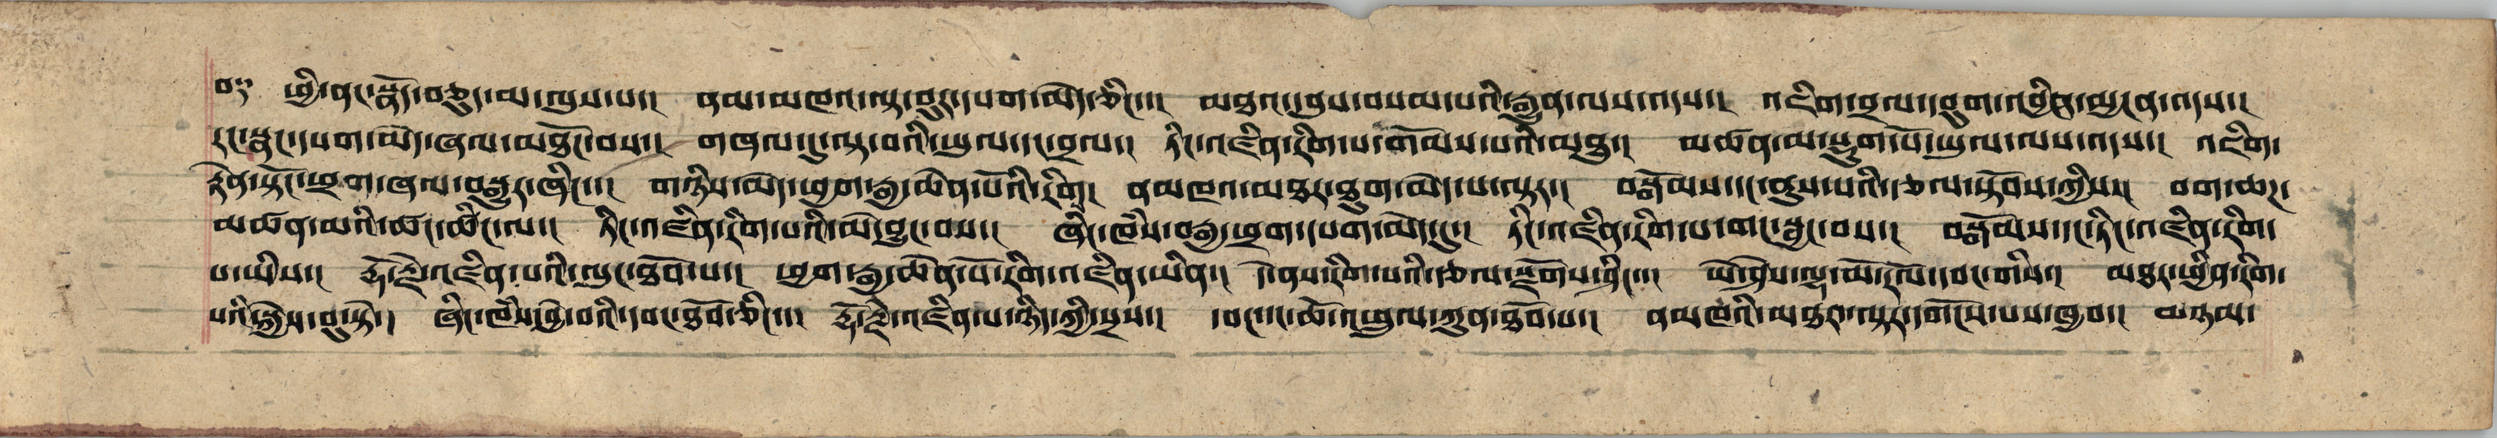བ༑ ཕྱིི་ནང་སྣོད་བཅུད་མ་ལུས་པ་། ནམ་མཁའ་ལྟ་བུར་དཔག་མེད་ཅིང་་། མཐའ་དབུས་བསམ་པའི་རྒྱུན་ལས་འདས་། འཇིག་བྲལ་དབུག་འབྱིན་མྱངན་འདས་།
རང་སྣང་དཔག་མེད་ཞལ་མཐོང་བས་། གཞལ་དུ་ལྟ་བའི་ཡུལ་དང་བྲལ་། ཏིང་འཛིན་རིག་པ་གོམས་པའི་མཐུ་། མཚན་མ་སྡུག་པོ་ཡུལ་ལས་འདས་། འཇིག་
རྟེན་སྟོང་ཕྲག་ཞལ་བསྒྱུར་ཞིང་་། གཉིས་མེད་ཕྱག་རྒྱ་ཆེན་པོའི་རིག་། ནམཁའ་མཐར་ཐུག་མེད་པ་ལྟར་། བསྒོམས་དང་ནུས་པའི་རྩལ་སྟོབས་ཀྱིས་། བག་ཆཌ་
མཚན་མའི་ཚང་ཚིང་ལ་། ཏིང་འཛིན་རིག་པའི་མེ་བྱུང་བས་། ཞིང་ཁཾས་བརྒྱ་ཕྲག་དཔག་མེད་དུ་། ཏིང་འཛིན་རིག་པ་གང་སྦྱང་བས་། བསྒོམས་དང་ཏིང་འཛིན་རིག་
པ་ཡིས་། རྡོ་རྗེ་འཛིན་པའི་ལུང་ཐོབ་པ་། ཕྱག་རྒྱ་ཆེན་པོ་རིག་འཛིན་ཡིན་། དེ་ནས་རིག་པའི་རྩལ་སྫོགས་ཤིང་་། ཡེ་ཤེས་ལྷ་མོ་རོལ་དབང་གིས་། མཐར་ཕྱིན་རིག་
པའི་སྐྱེས་བུ་སྟེ་། ཞིང་ཁཾས་བྱེ་བའི་དབང་ཐོབ་ཅིང་་། རྡོ་རྗེ་འཛིན་པ་ཉིད་ཀྱི་སྲས་། དབང་དང་ཆོ་འཕྲུལ་ཀུན་ཐོབ་པ་། ནམཁའི་མཐར་་ལྟར་དགོངས་པས་ཁྱབ་། མཉམ་